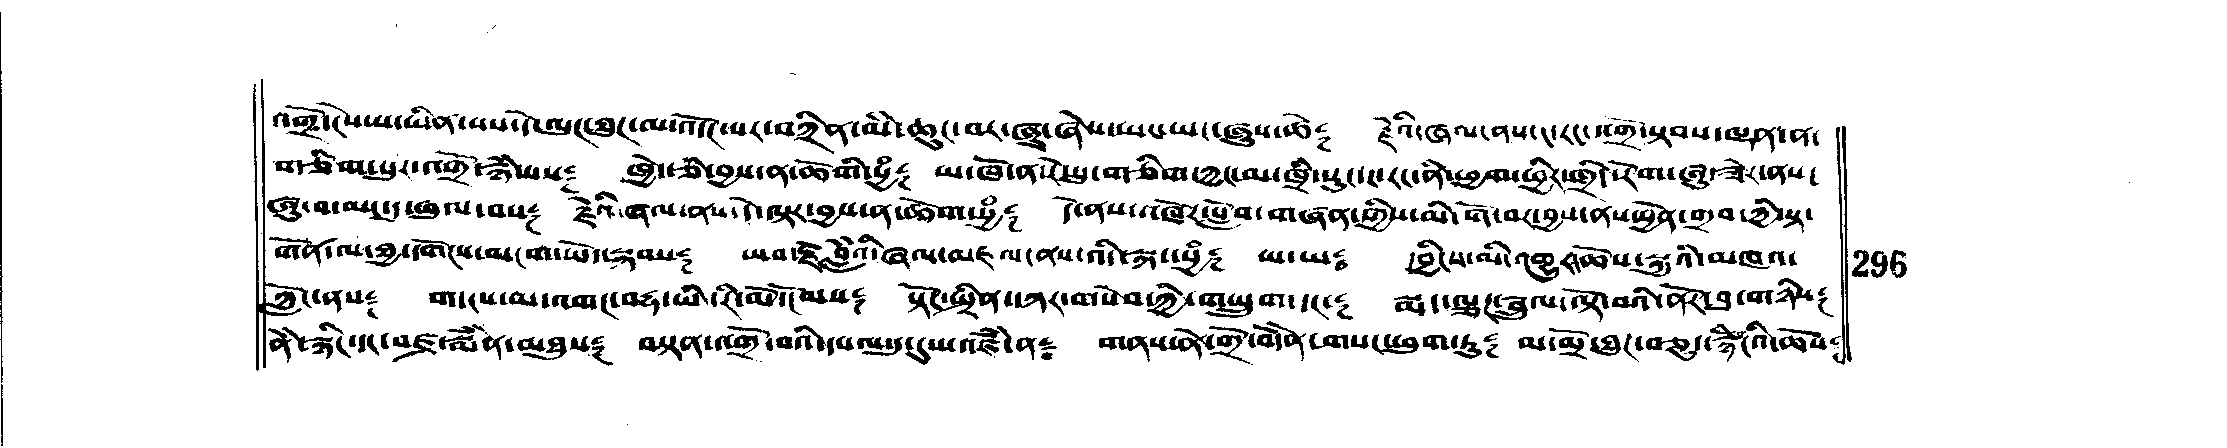འགྲོ་ངེས་པ་ཡིན་པས་དེ་ལུགས་ཐུགས་ལ་འདོགས་པར་བཀའ་དྲིན་མི་ཆུང་བར་ཞུ་ཞེས་ཡང་ཡང་ཞུས་ཚེ། རྗེའི་ཞལ་ནས་ང་རང་འགྲོ་སྟབས་ལྡན་ན་
གཅིག་པུར་འགྲོ་སྙམ་པས། ཁྱེད་ཅི་བྱས་ན་ཆོག་གི་གསུང་། ཡང་ཁོ་ན་རེ་སུ་གཅིག་ཀྱང་མ་ཁྲིད་རུང་ང་རང་ནི་ཕྱག་ཕྱིར་ཁྲིད་རོགས་ཞུ་ཟེར་ནས་
ཞུ་བ་མང་དུ་ཕུལ་བས། རྗེའི་ཞལ་ནས་དེ་ལྟར་བྱས་ན་ཆོག་གསུངས། དེ་ནས་འཁོར་སློབ་གཞན་གྱིས་མི་གོ་བར་བྱས་ནས་བྱོན་གྲབས་ཀྱི་སྟ་
གོན་ལ་ཐུགས་དགོངས་མངག་ཡོད་སྐབས། ཡབ་རྗེ་བླ་མའི་ཞལ་མཇལ་ནས་འདི་སྐད་གསུང་། ཡ་ཡཿ དབྱིངས་མི་འགྱུར་ཆོས་སྐུའི་མཁའ་
ཀློང་ནས། །གདངས་མ་འགགས་བརྡ་ཡི་རི་མོ་ངོམས། །སྟོད་སྤྲིན་དཀར་གསེབ་ཀྱི་གཡུ་འབྲུག་དང་། །སྨད་ལྕགས་སྦྲུལ་ལྟོ་བའི་ནོར་བུ་གཉིས། །
ནམ་སྙིང་དང་བཛྲ་སྨོན་ལམ་མཐུས། །བསྟན་འགྲོ་བའི་དཔལ་དུ་དུས་འཛོམ་ན། །གནས་ནེ་གྲོ་བདེ་ཆེན་གསང་ཕུག་ཏུ། །མ་མཁའ་འགྲོ་ཐུགས་བཅུད་སྙིང་པོའི་ཆོས།